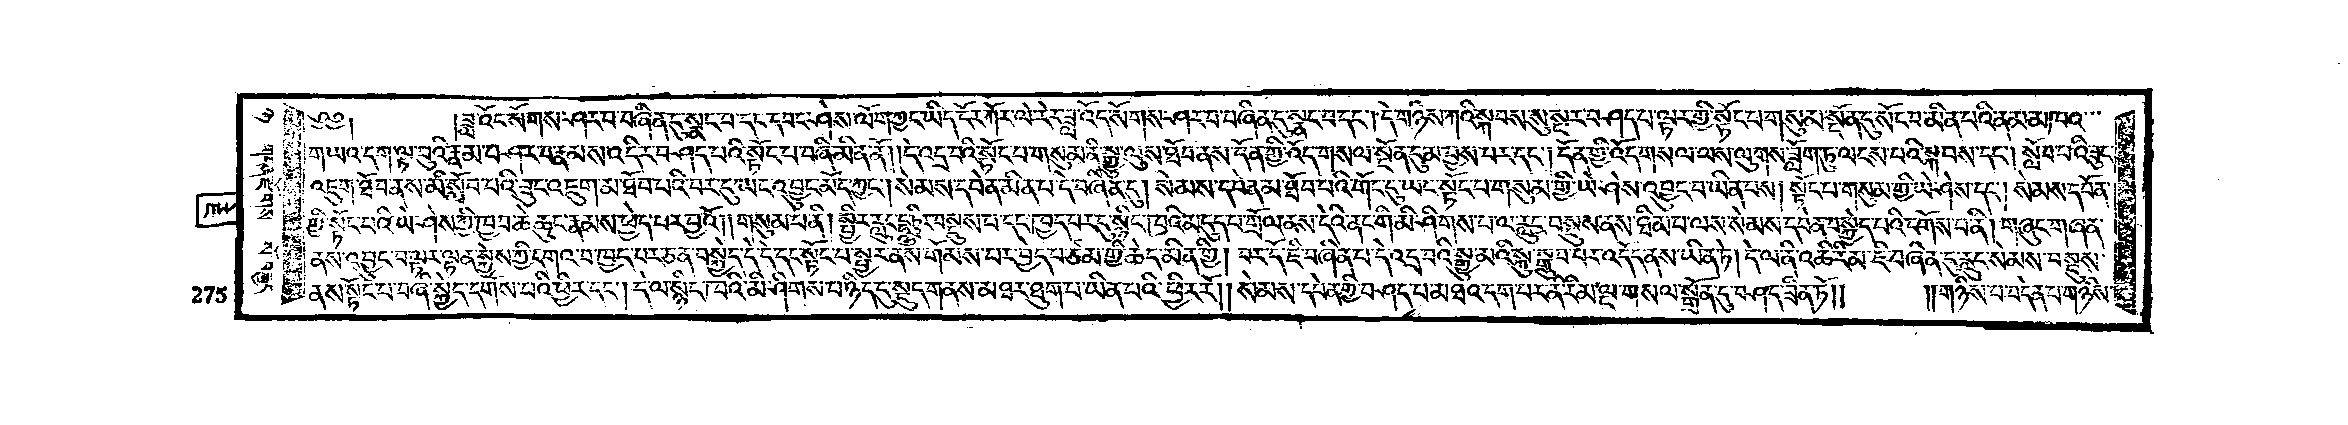༄༅། །ཟླ་འོད་སོགས་ཤར་བ་བཞིན་དུ་སྣང་བ་དང་དབང་ཤེས་ལོག་ཀྱང་ཡིད་ངོར་ཀོར་ལེ་རེར་ཟླ་འོད་སོགས་ཤར་བ་བཞིན་དུ་སྣང་བ་དང་། དེ་གཉིས་ཀའི་སྐབས་སུ་སྔར་བཤད་པ་ལྟར་གྱི་སྟོང་པ་གསུམ་སྔོན་དུ་སོང་བ་མིན་པའི་ནམ་མཁའ་
གཡའ་དག་ལྟ་བུའི་རྣམ་པ་ཤར་བ་རྣམས་འདིར་བཤད་པའི་སྟོང་པ་བཞི་མིན་ནོ། །དེ་འདྲ་བའི་སྟོང་པ་གསུམ་ནི་སྒྱུ་ལུས་ཐོབ་ནས་དོན་གྱི་འོད་གསལ་སྔོན་དུ་མ་བྱས་པར་དང་། དོན་གྱི་འོད་གསལ་ལས་ལུགས་ཟློག་ཏུ་ལངས་པའི་སྐབས་དང་། སློབ་པའི་ཟུང་
འཇུག་ཐོབ་ནས་མི་སློབ་པའི་ཟུང་འཇུག་མ་ཐོབ་པའི་བར་དུ་ཡང་འབྱུང་མོད་ཀྱང་། སེམས་དབེན་མིན་པ་དེ་བཞིན་དུ། སེམས་དབེན་མ་ཐོབ་པའི་གོང་དུ་ཡང་སྟོང་པ་གསུམ་གྱི་ཡེ་ཤེས་འབྱུང་བ་ཡིན་པས། སྟོང་པ་གསུམ་གྱི་ཡེ་ཤེས་དང་། སེམས་དབེན་
གྱི་སྟོང་པའི་ཡེ་ཤེས་ཀྱི་ཁྱབ་ཆེ་ཆུང་རྣམས་ཕྱེད་པར་བྱའོ། །གསུམ་པ་ནི། སྤྱིར་རླུང་དྷཱུ་ཏཱིར་བསྡུས་པ་དང་ཁྱད་པར་དུ་སྙིང་ཁའི་མདུད་པ་གྲོལ་ནས་དེའི་ནང་གི་མི་ཤིགས་པ་ལ་རླུང་བསྡུས་ནས་ཐིམ་པ་ལས་སེམས་དབེན་བསྐྱེད་པའི་དགོས་པ་ནི། གཞུང་གཞན་
ནས་འབྱུང་བ་ལྟར་ལྷན་སྐྱེས་ཀྱི་དགའ་བ་ཁྱད་པར་ཅན་བསྐྱེད་དེ་དེ་དང་སྟོང་པ་སྦྱར་ནས་གོམས་པར་བྱེད་པ་ཙམ་གྱི་ཆེད་མིན་གྱི། བར་དོ་ཇི་བཞིན་པ་དེ་འདྲ་བའི་སྒྱུ་མའི་སྐུ་སྒྲུབ་པར་འདོད་ནས་ཡིན་ཏེ། དེ་ལ་ནི་འཆི་རིམ་ཇི་བཞིན་དུ་རླུང་སེམས་བསྡུས་
ནས་སྟོང་པ་བཞི་སྐྱེད་དགོས་པའི་ཕྱིར་དང་། དེ་ལ་སྙིང་ཁའི་མི་ཤིགས་པ་ཉིད་དུ་སྡུད་གནས་མཐར་ཐུག་པ་ཡིན་པའི་ཕྱིར་རོ། །སེམས་དབེན་གྱི་བཤད་པ་མཐའ་དག་པར་ནི་རིམ་ལྔ་གསལ་སྒྲོན་དུ་བཤད་ཟིན་ཏོ།། །།གཉིས་པ་བདེན་པ་གཉིས་